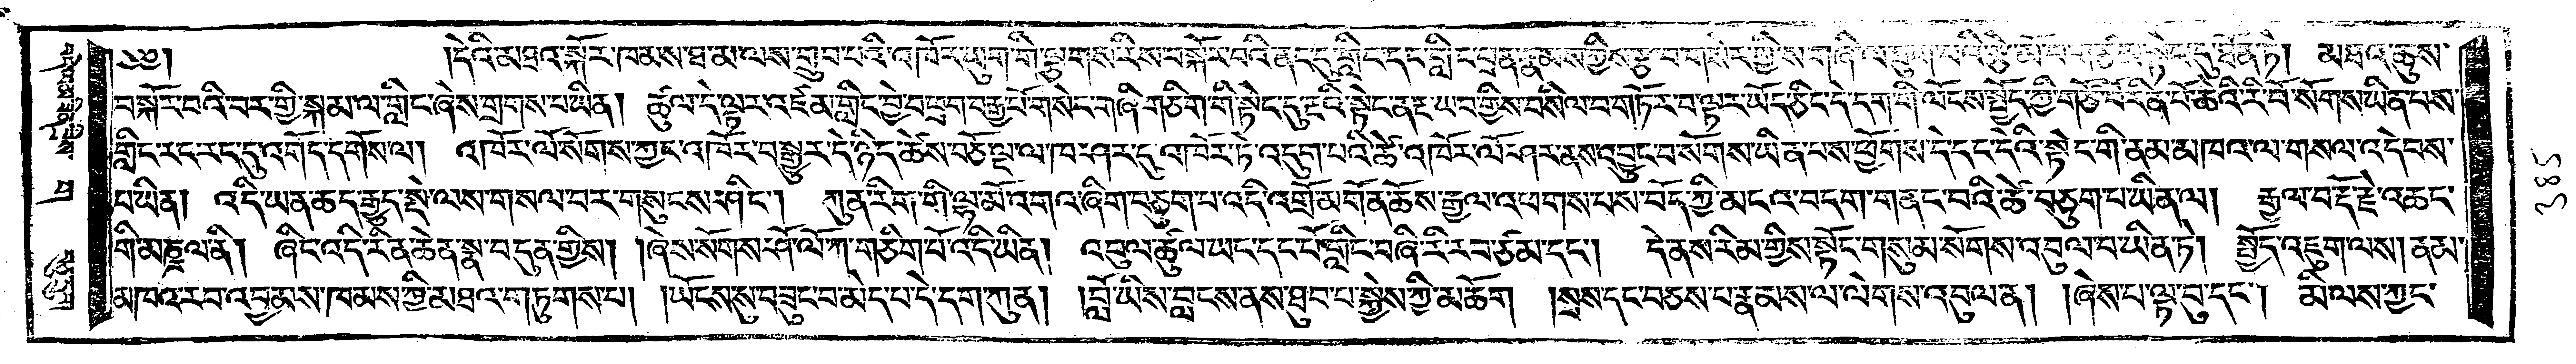༄༅། །དེའི་མཐའ་སྐོར་ཁམས་ཐ་མ་ལས་གྲུབ་པའི་འཁོར་ཡུག་གི་ལྕགས་རིས་བསྐོར་བའི་ནང་དུ་གླིང་དང་གླིང་ཕྲན་རྣམས་ཀྱིས་རྩ་བ་གསེར་གྱི་ས་གཞི་ལ་ཐུག་པའི་རྩེ་མོ་བག་ཙམ་སྟེང་དུ་ཐོན་ཏེ། མཐའ་ཆུས་
བསྐོར་བའི་བར་གྱི་སྐམ་ལ་གླིང་ཞེས་གྲགས་བ་ཡིན། ཚུལ་དེ་ལྟར་འཛམ་གླིང་བྱེ་བ་བྲག་བརྒྱ་པོ་གསེར་གཞི་གཅིག་གི་སྟེང་དུ་རྔའི་སྟེང་ན་རྔ་ཡབ་གྱིས་བསིལ་བ་གཏོར་བ་ལྟར་ཡོད་ཅིང་དེ་དག་གི་ལོངས་སྤྱོད་ཀྱི་གཙོ་བོ་རིན་པོ་ཆེའི་རི་བོ་སོགས་ཡིན་པས་
གླིང་རང་རང་དུ་འགོད་དགོས་ལ། འཁོར་ལོ་སོགས་ཀྱང་འཁོར་བསྒྱུར་དེ་ཉིད་ཆོས་བཅོ་ལྔ་ལ་ཁ་ཤར་དུ་འཁོར་ཏེ་འདུག་པའི་ཚེ་འཁོར་ལོ་ཤར་ནས་འབྱུང་བ་སོགས་ཡིན་པས་ཕྱོགས་དེ་དང་དེའི་སྟེང་གི་ནམ་མཁའ་ལ་གསལ་འདེབས་
པ་ཡིན། འདི་ཡན་ཆད་རྒྱུད་སྡེ་ལས་གསལ་བར་གསུངས་ཤིང་། ཀུན་རིག་གི་ལྷ་མོ་འགའ་ཞིག་བཅུག་པ་འདི་འགྲོ་མགོན་ཆོས་རྒྱལ་འཕགས་པས་བོད་ཀྱི་མངའ་བདག་གནང་བའི་ཚེ་བཅུག་པ་ཡིན་ལ། རྒྱལ་བ་རྡོ་རྗེ་འཆང་
གི་མཎྜལ་ནི། ཞིང་འདི་རིན་ཆེན་སྣ་བདུན་གྱིས། །ཞེས་སོགས་ཤོ་ལོ་ཀ་གཅིག་པོ་འདི་ཡིན། འབུལ་ཚུལ་ཡང་དང་པོ་གླིང་བཞི་རི་རབ་ཙམ་དང་། དེ་ནས་རིམ་གྱིས་སྟོང་གསུམ་སོགས་འབུལ་བ་ཡིན་ཏེ། སྤྱོད་འཇུག་ལས། ནམ་
མཁའ་རབ་འབྱམས་ཁམས་ཀྱི་མཐའ་གཏུགས་པ། །ཡོངས་སུ་བཟུང་བ་མེད་པ་དེ་དག་ཀུན། །བློ་ཡིས་བླངས་ནས་ཐུབ་པ་སྐྱེས་ཀྱི་མཆོག །སྲས་དང་བཅས་པ་རྣམས་ལ་ལེགས་འབུལ་ན། །ཞེས་པ་ལྟ་བུ་དང་། མི་ལས་ཀྱང་